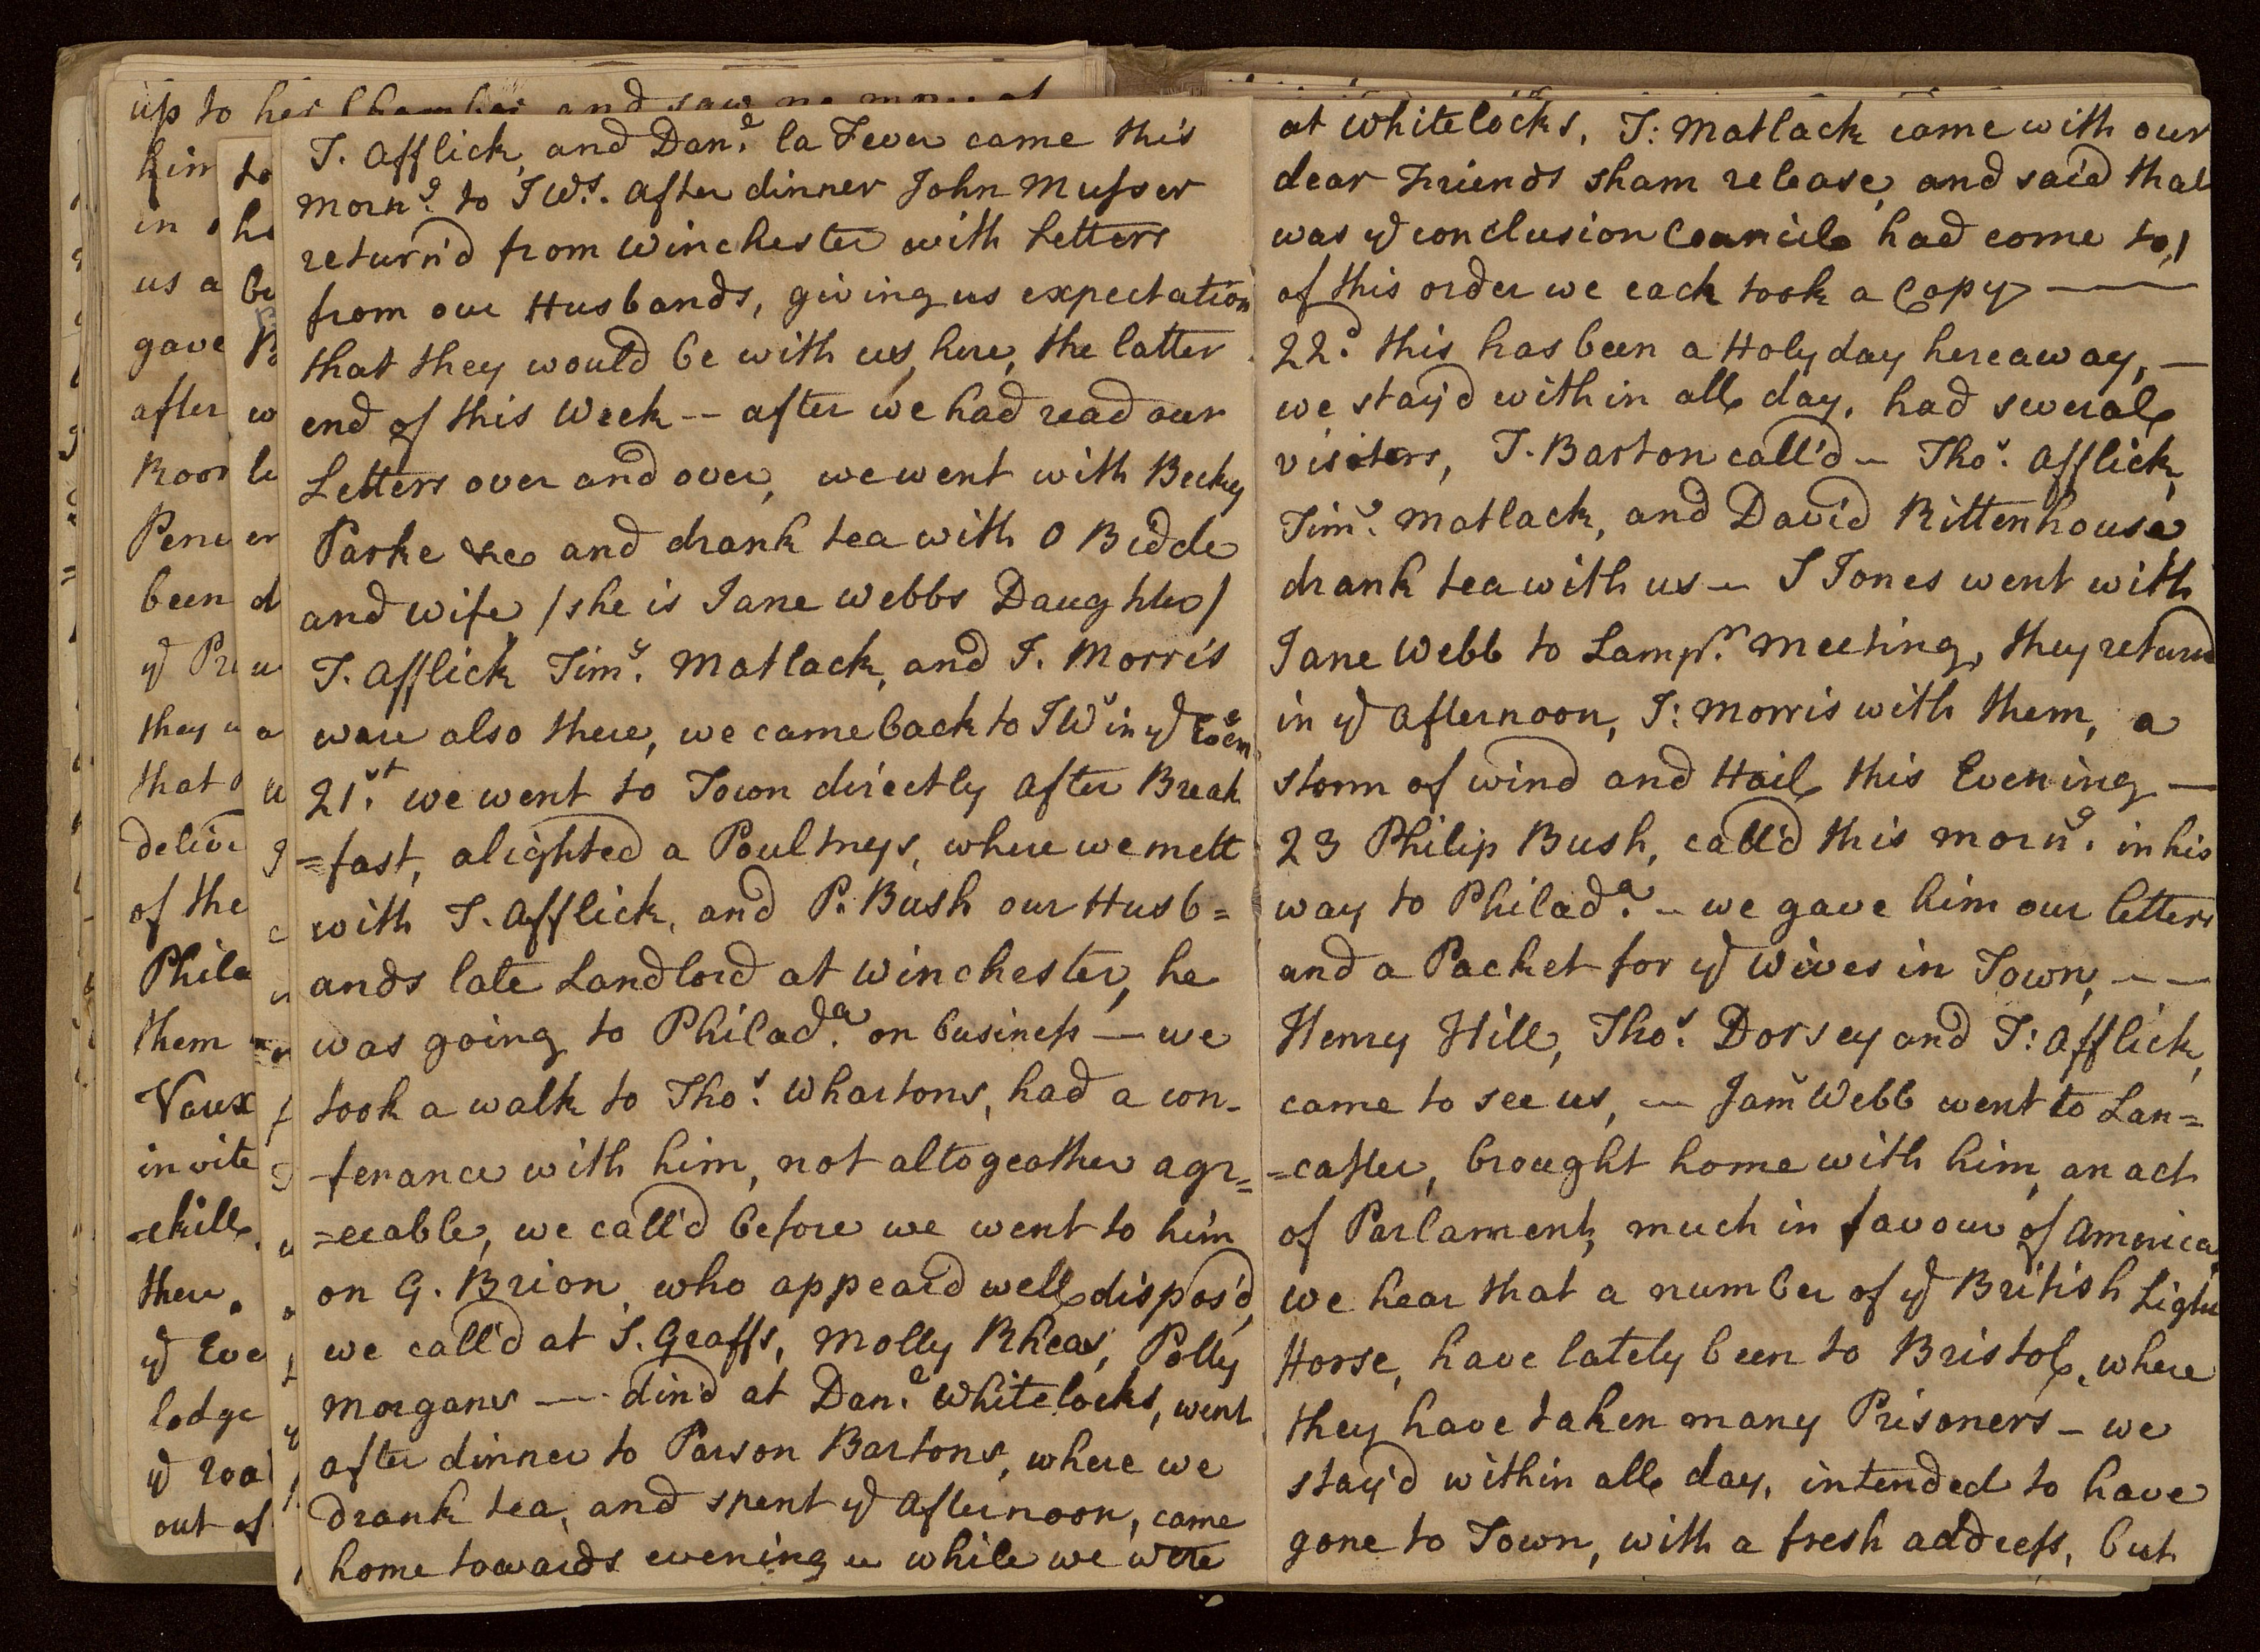T. Afflick and Dan^l. la Fever came this
morn^g. to TW^s.. after dinner John Musser
return'd from Winchester with Letters
from our Husbands, giving us expectation
that they would be with us here, the latter
end of this week- after we had read our
Letters over and over, we went with Becky
Parke &c and drank tea with O Bidde
and wife /she is Jane Webbs Daughter/
T. Afflick Tim^y. Matlack, and F. Morris
ware also there, we came back to T W^s in y^e Even^g
21^st. we went to Town directly after Break
-fast, alighted a Poultnys, where we mett
with T. Afflick, and P. Bush our Husb-
ands late Landlord at Winchester, he
was going to Philad^a. on business- we
took a walk to Tho^s. Whartons, had a con-
-ferance with him, not altogeather agr-
-eeable, we call'd before we went to him
on G. Brion, who appeard well dispos'd
we call'd at S. Geaffs, Molly Rheas, Polly
Morgans- din'd at Dan^l. Whitelocks, went
after dinner to Parson Bartons, where we
drank tea, and spent y^e afternoon, came
home towards evening - while we were
at Whitelocks, T: Matlack came with our
dear Friends sham release, and said that
was y^e conclusion Council had come to, I
of this order we each took a Copy
22^d. this has been a Holy day hereaway,-
we stay'd with in all day, had several
visitors, T. Barton call'd- Tho^s. Afflick
Tim^y. Matlack, and David Rittenhouse
drank tea with us- S Jones went with
Jane Webbs to Lamp^r. meeting, they returnd
in y^e afternoon, F: Morris with them, a
storm of wind and Hail this Evening-
23 Philip Bush, call'd this morn^g. in his
way to Philad^a.- we gave him our letters
and a Packet for y^e wives in Town,--
Henry Hill, Tho^s. Dorsey and T: Afflick,
came to see us,- Jam Webb went to Lan-
-caster, brought home with him an act
of Parlament much in favour of America
we hear that a number of y^e British Light
Horse, have lately been to Bristol, where
they have taken many Prisoners- we
stay'd within all day, intended to have
gone to Town, with a fresh address, but